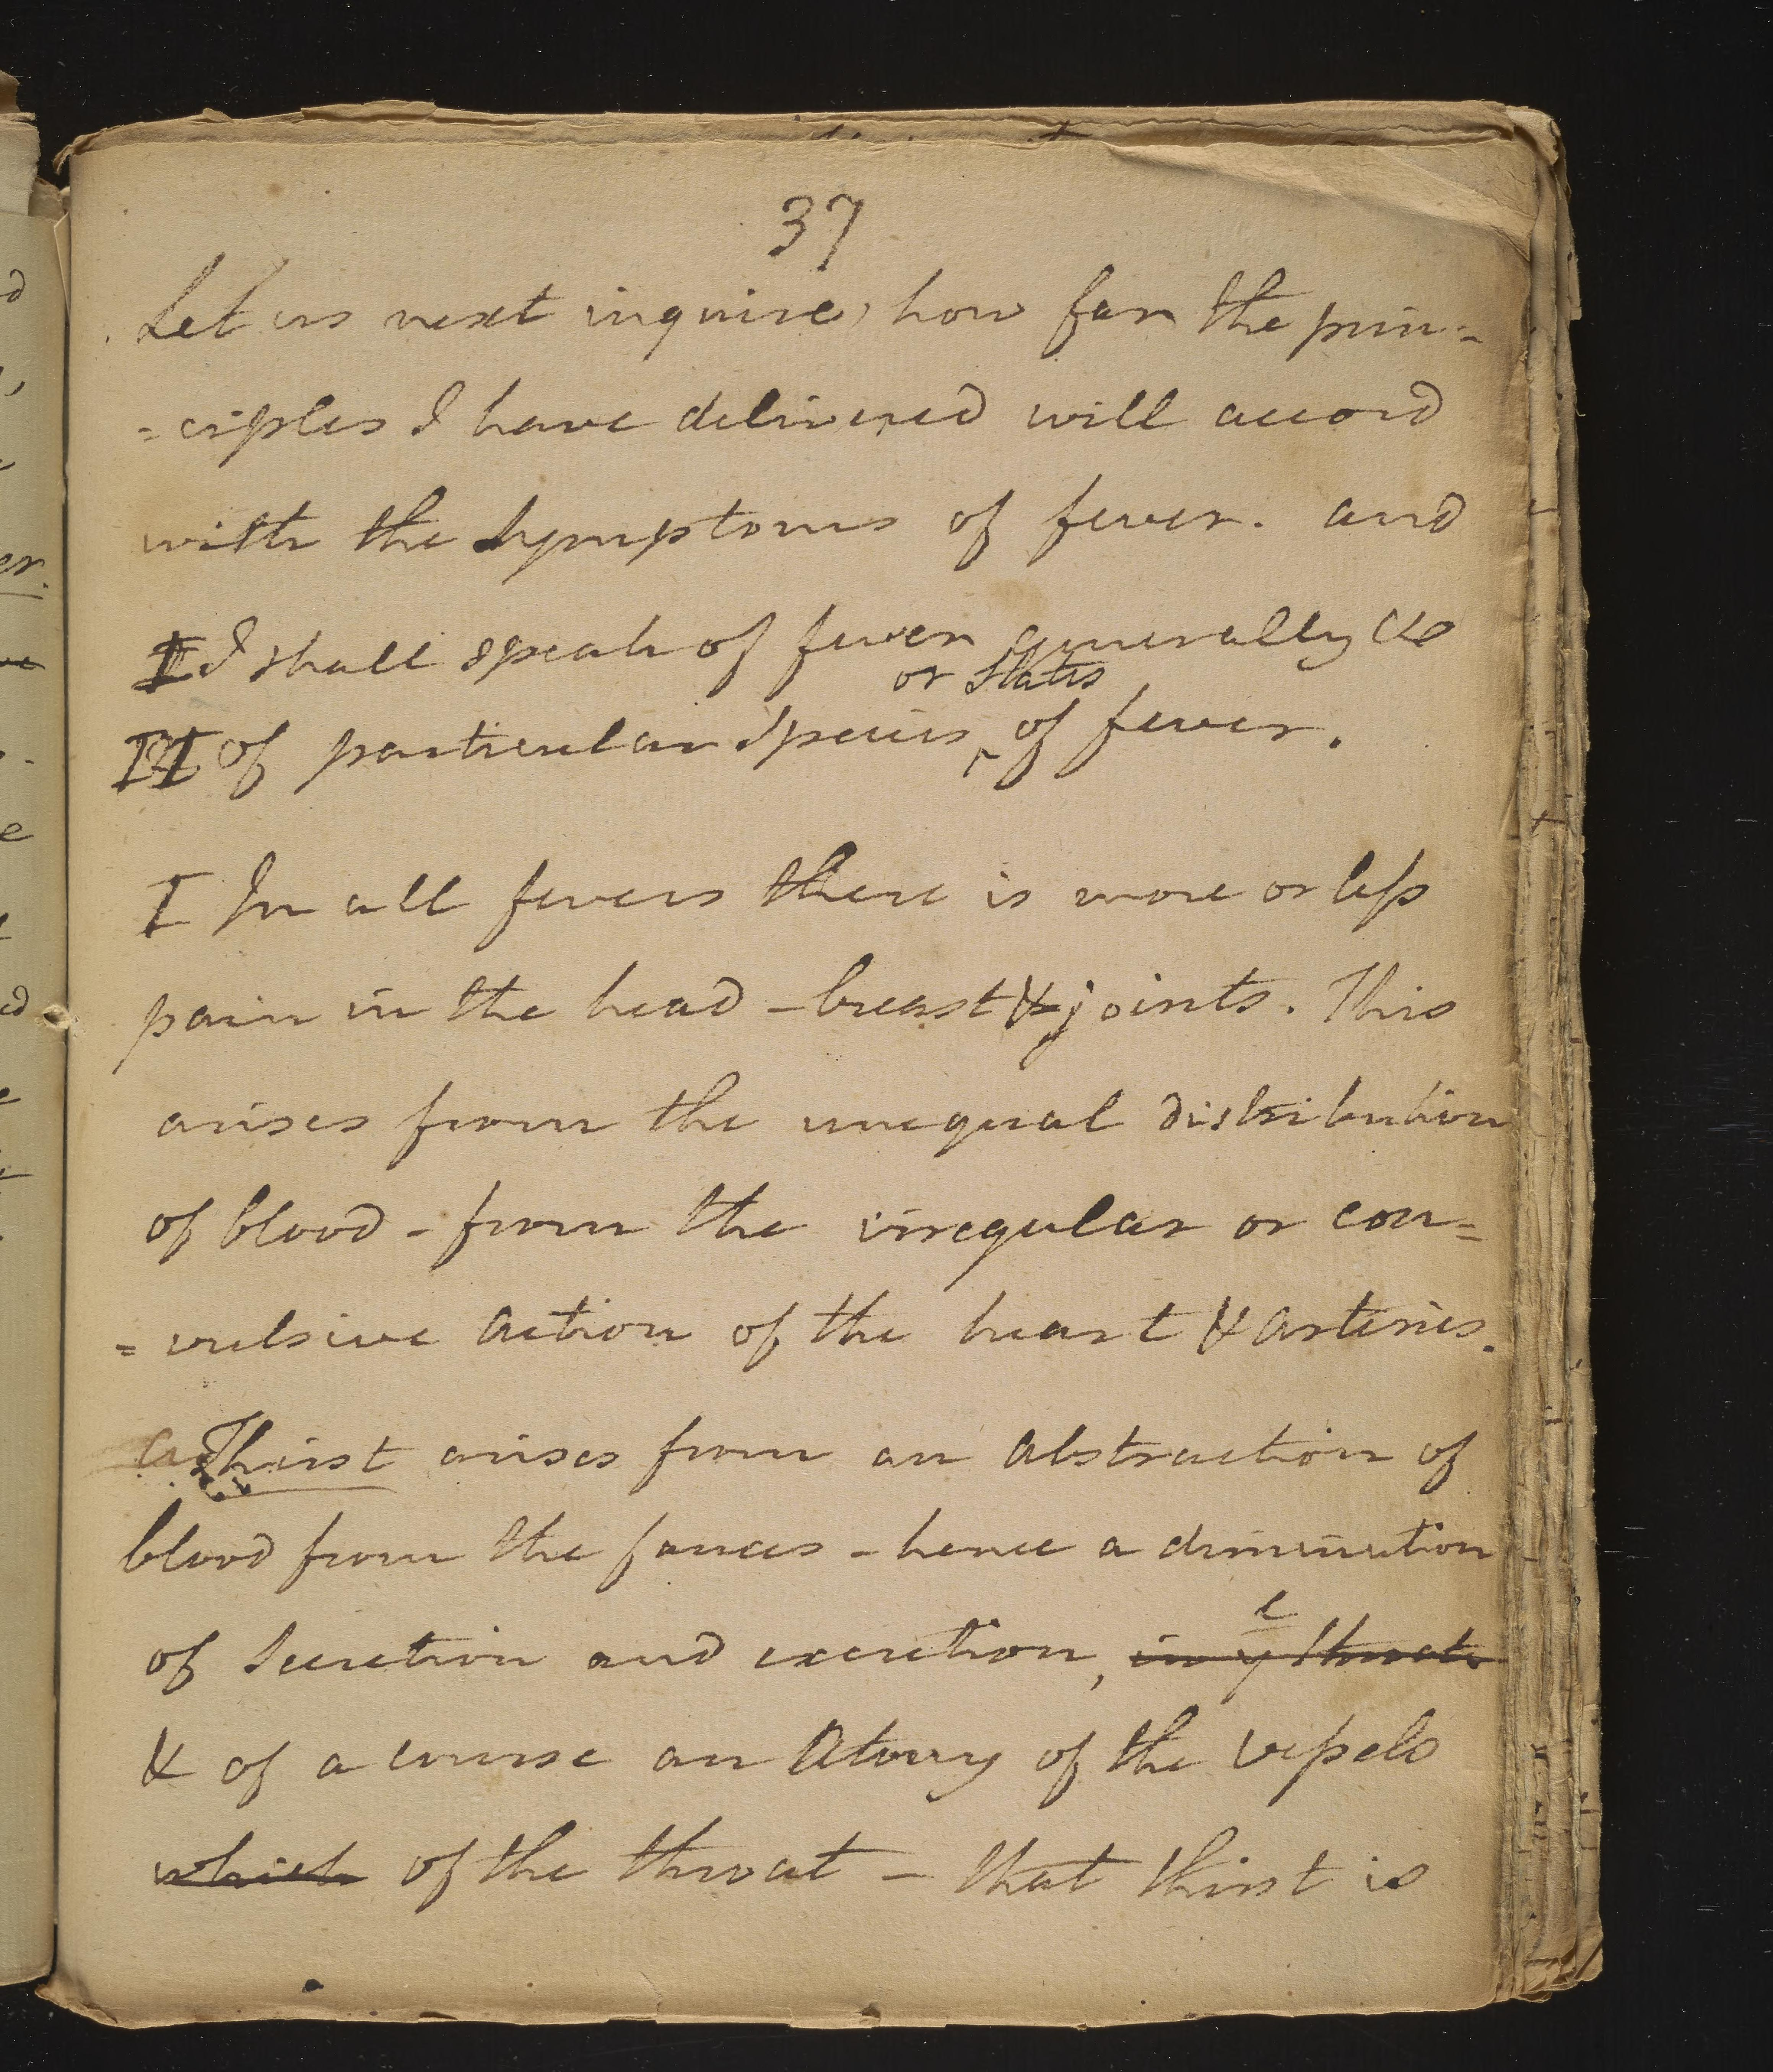37
Let us next inquire how far the prin-
-ciples I have delivered will accord
with the symptoms of fever, and
I I shall speak of fever generally &
or States
II of particular species ^ of fever.
pain in the head, breast & joints. This
pain in the head, breast & joints. This
arises from the unequal distribution
of blood, from the irregular or con-
-vulsive action of the heart & arteries
Thirst arises from an abstraction of
blood from the forces, hence a diminuation
of secretion and execution, [in y^e throat]
& of a course an Artery of the vessels
[which] of the throat- that thirst is